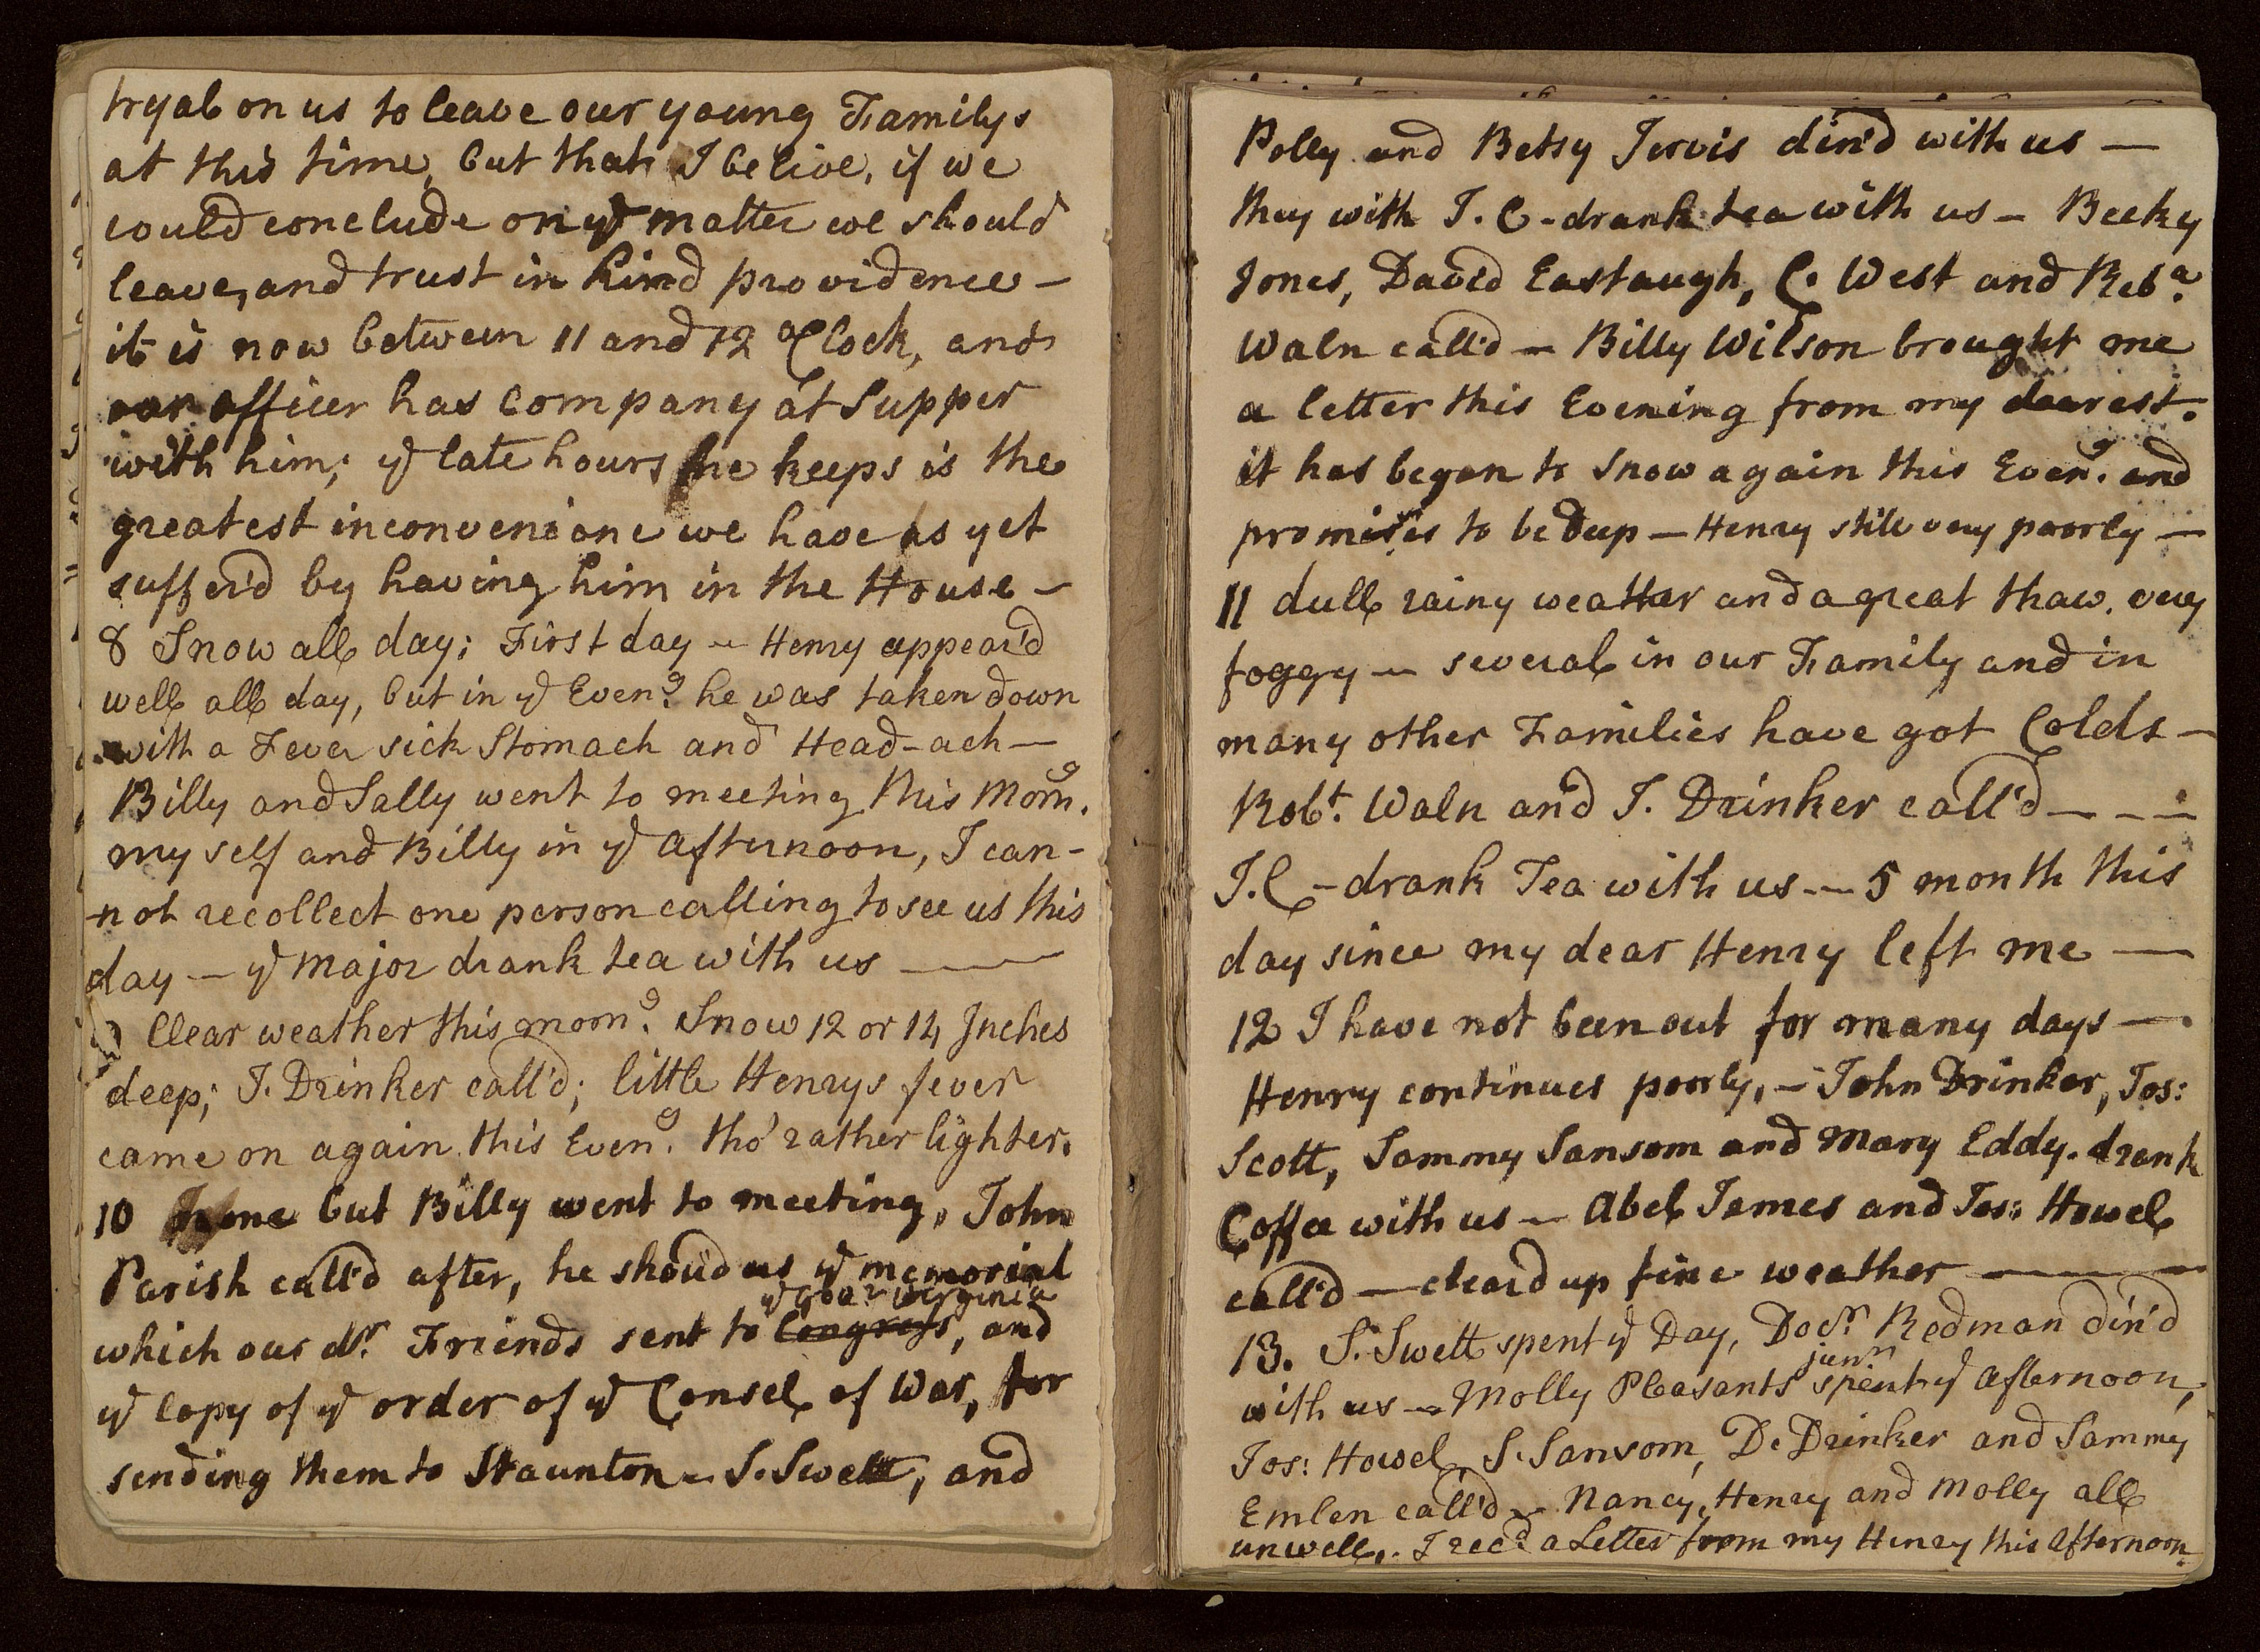tryal on us to leave our young Familys
at this time, but that I belive, if we
could conclude on y^e matter we should
leave, and trust in kind providence-
it is now between 11 and 12 ^o Clock, and
an officer has company at Supper
with him; y^e late hours he keeps is the
greatest inconvenience we have as yet
suffer'd by having him in the House-
8 Snow all day; First day- Henry appear'd
well all day, but in y^e Even^g. he was taken down
with a Fever sick stomach and Head-ach-
Billy and Sally went to meeting this Morn^g.
my self and Billy in y^e Afternoon, I can-
not recollect one person calling to see us this
day- y^e Major drank tea with us-
Clear weather this morn^g. Snow 12 or 14 Inches
deep; J. Drinker call'd; little Henrys fever
came on again this Even^g. tho' rather lighter.
10 none but Billy went to meeting, John
Parish call'd after, he shoud us y^e memorial
y^e Gov^r. Virginia
which our d^r. Friends sent to Congress, and
y^e copy of y^e order of y^e Consel of War, for
sending them to Staunton- S. Swett, and
Polly and Betsy Jervis din'd with us-
they with J.C.- drank tea with us- Becky
Jones, David Eastaugh, C. West and Reb^a.
Waln call'd- Billy Wilson brought me
a letter this Evening from my dearest.
it has began to snow again this Even^g. and
promises to be deep- Henry still very poorly-
11 dull rainy weather and a great thaw, very
foggy- several in our Family and in
many other Families have got Colds-
Rob^t. Waln and T. Drinker call'd---
J.C- drank Tea with us- 5 month this
day since my dear Henry left me-
12 I have not been out for many days-
Henry continues poorly,- John Drinker, Jos:
Scott, Sammy Sansom and Mary Eddy. drank
Coffee with us- Abel James and Jos: Howel
call'd- cleard up fine weather-
13. S. Swett spent y^e Day, Doc^r. Redman din'd
jun^r.
with us- Molly Pleasants spent y^e Afternoon,
Jos: Howel, S. Sansom, D. Drinker and Sammy
Emlen call'd- Nancy, Henry and Molly all
unwell. I rec^d. a Letter from my Henry this Afternoon